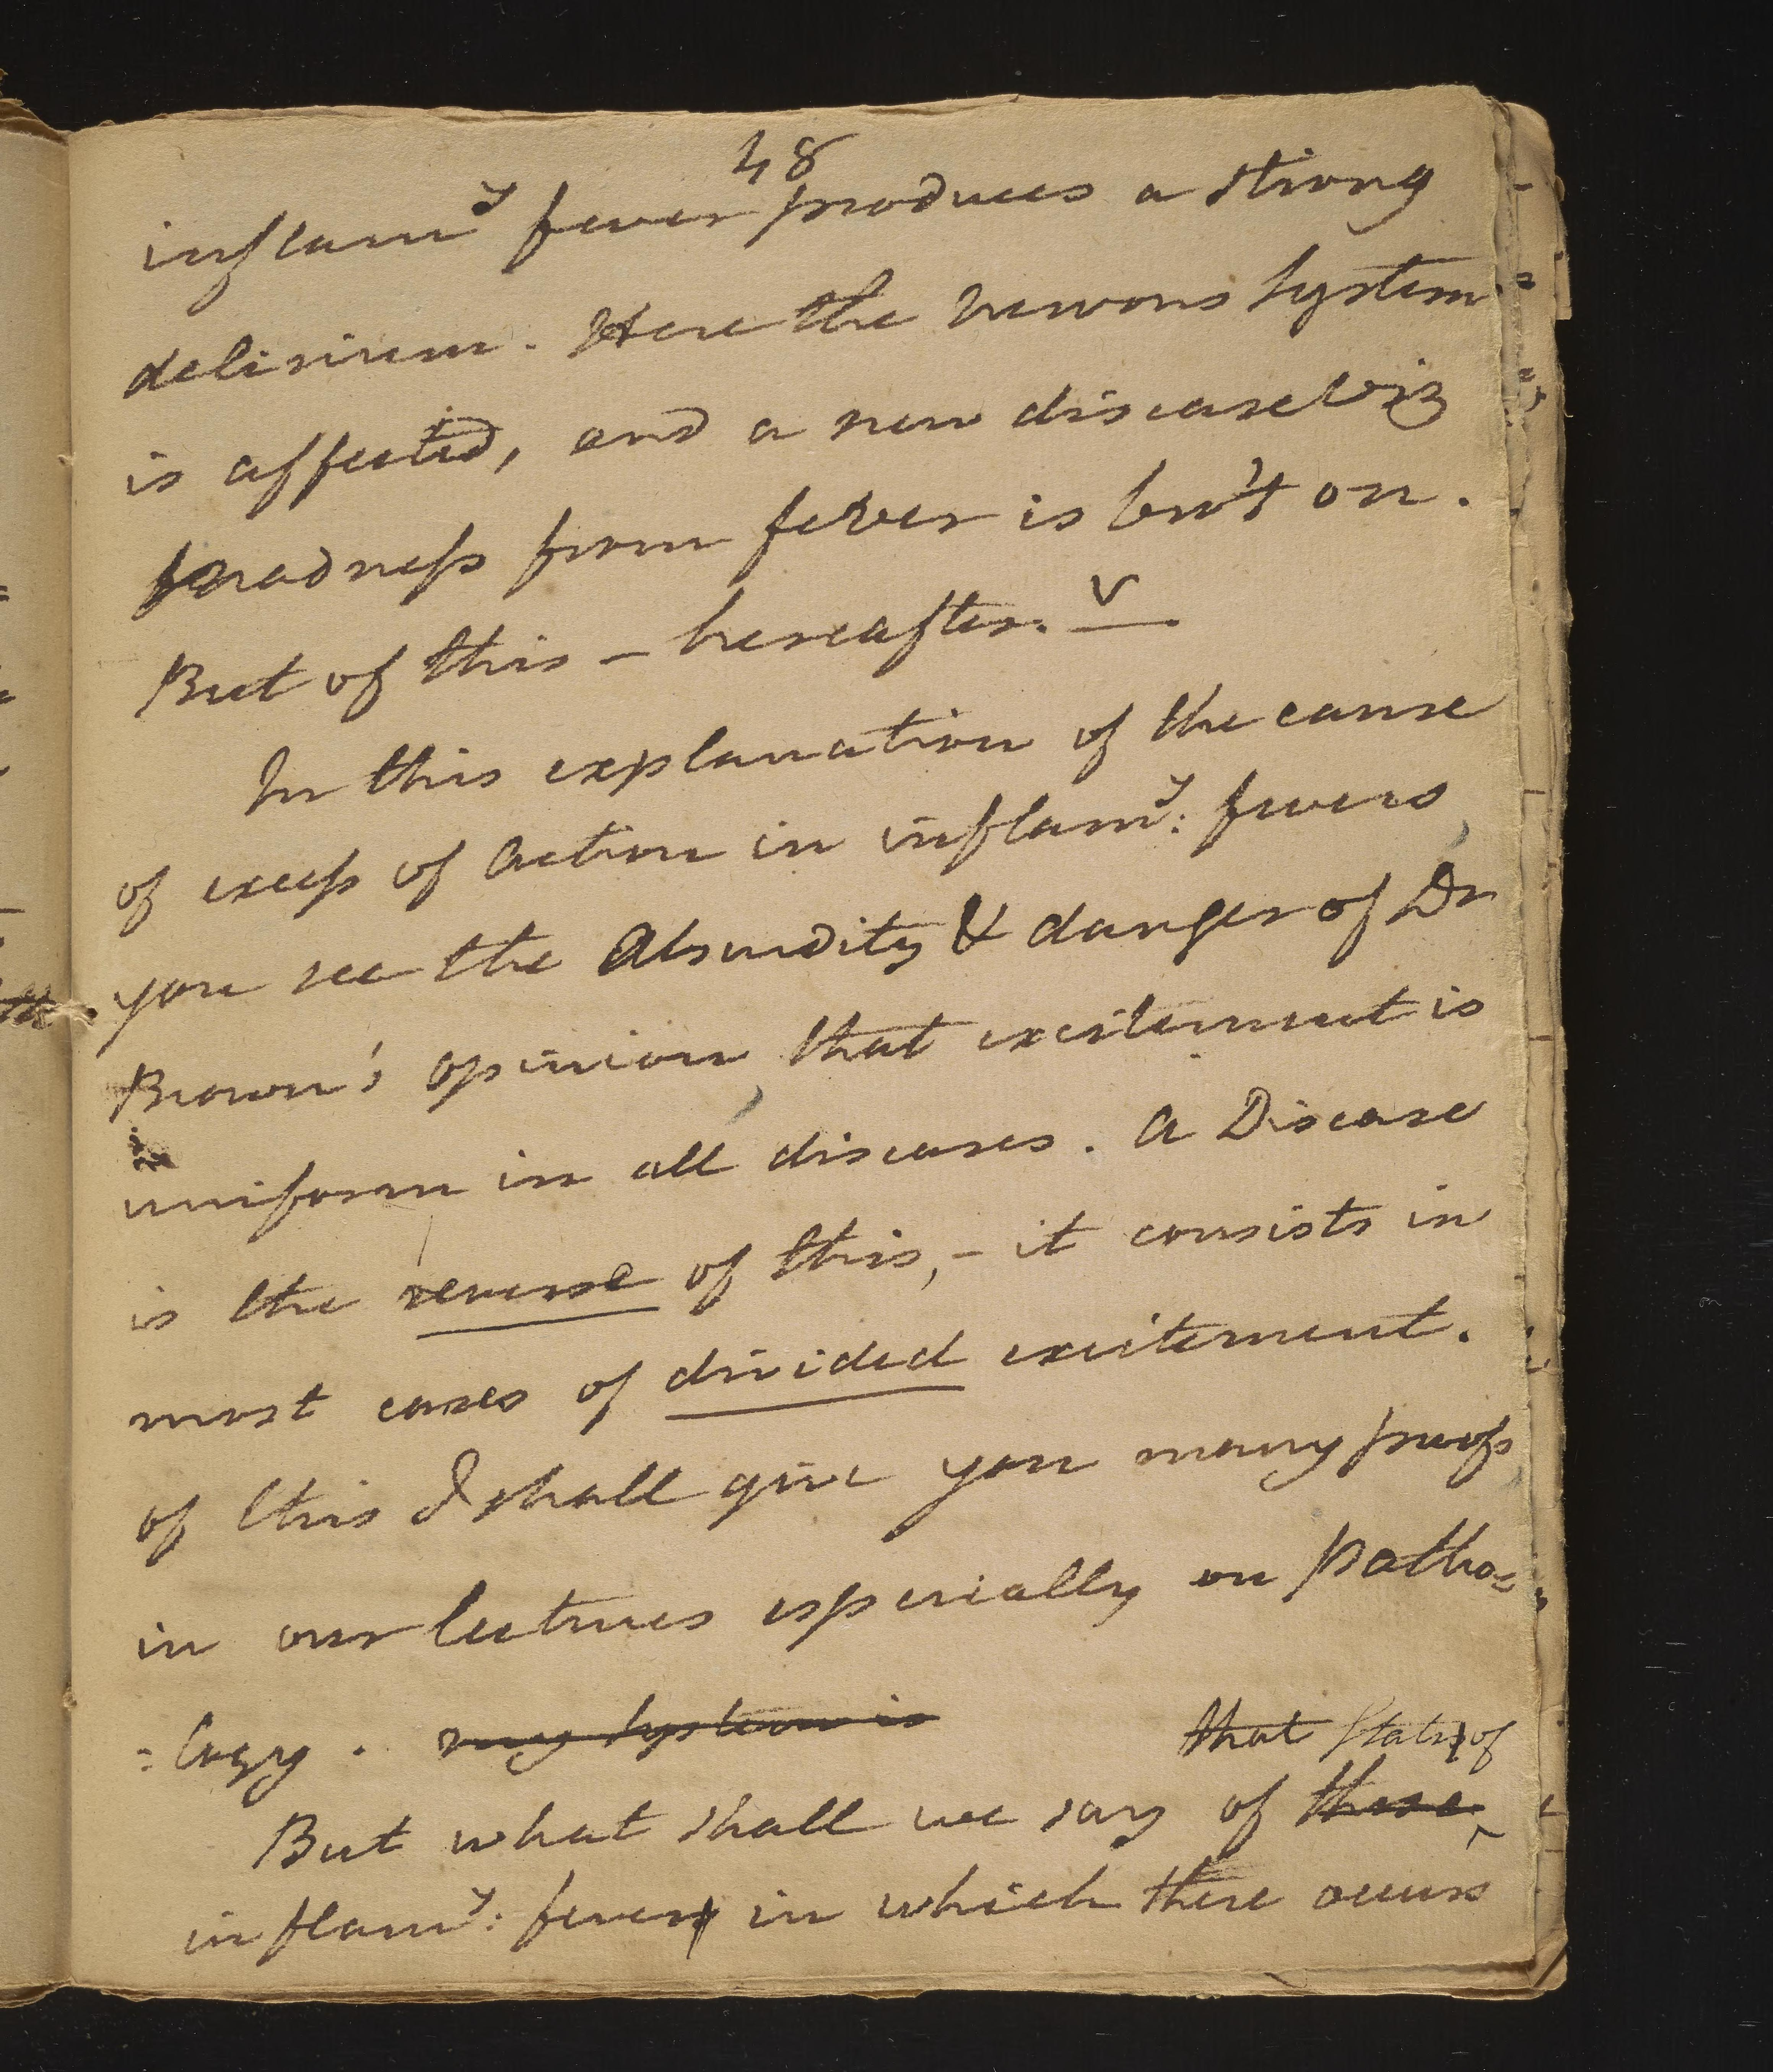48
inflam^y fever produces a strong
delirium. Here the nervous system
is affected, and a new disease viz.
spradness from fever is bro't on.
But of this, hereafter. V
In this explanation of the cause
of excess of action in inflam^y fevers
you see the Absurdity & danger of D^r
Brown's opinion that excitement is
uniform in all diseases. A Disease
is the reverse of this, it consists in
most cases of divided excitement.
of this I shall give you many proofs
in our lectures especially on patho-
-logy. [my system is]
that status of
But what shall we say of [these] ^
in inflam^y fever in which there occurs